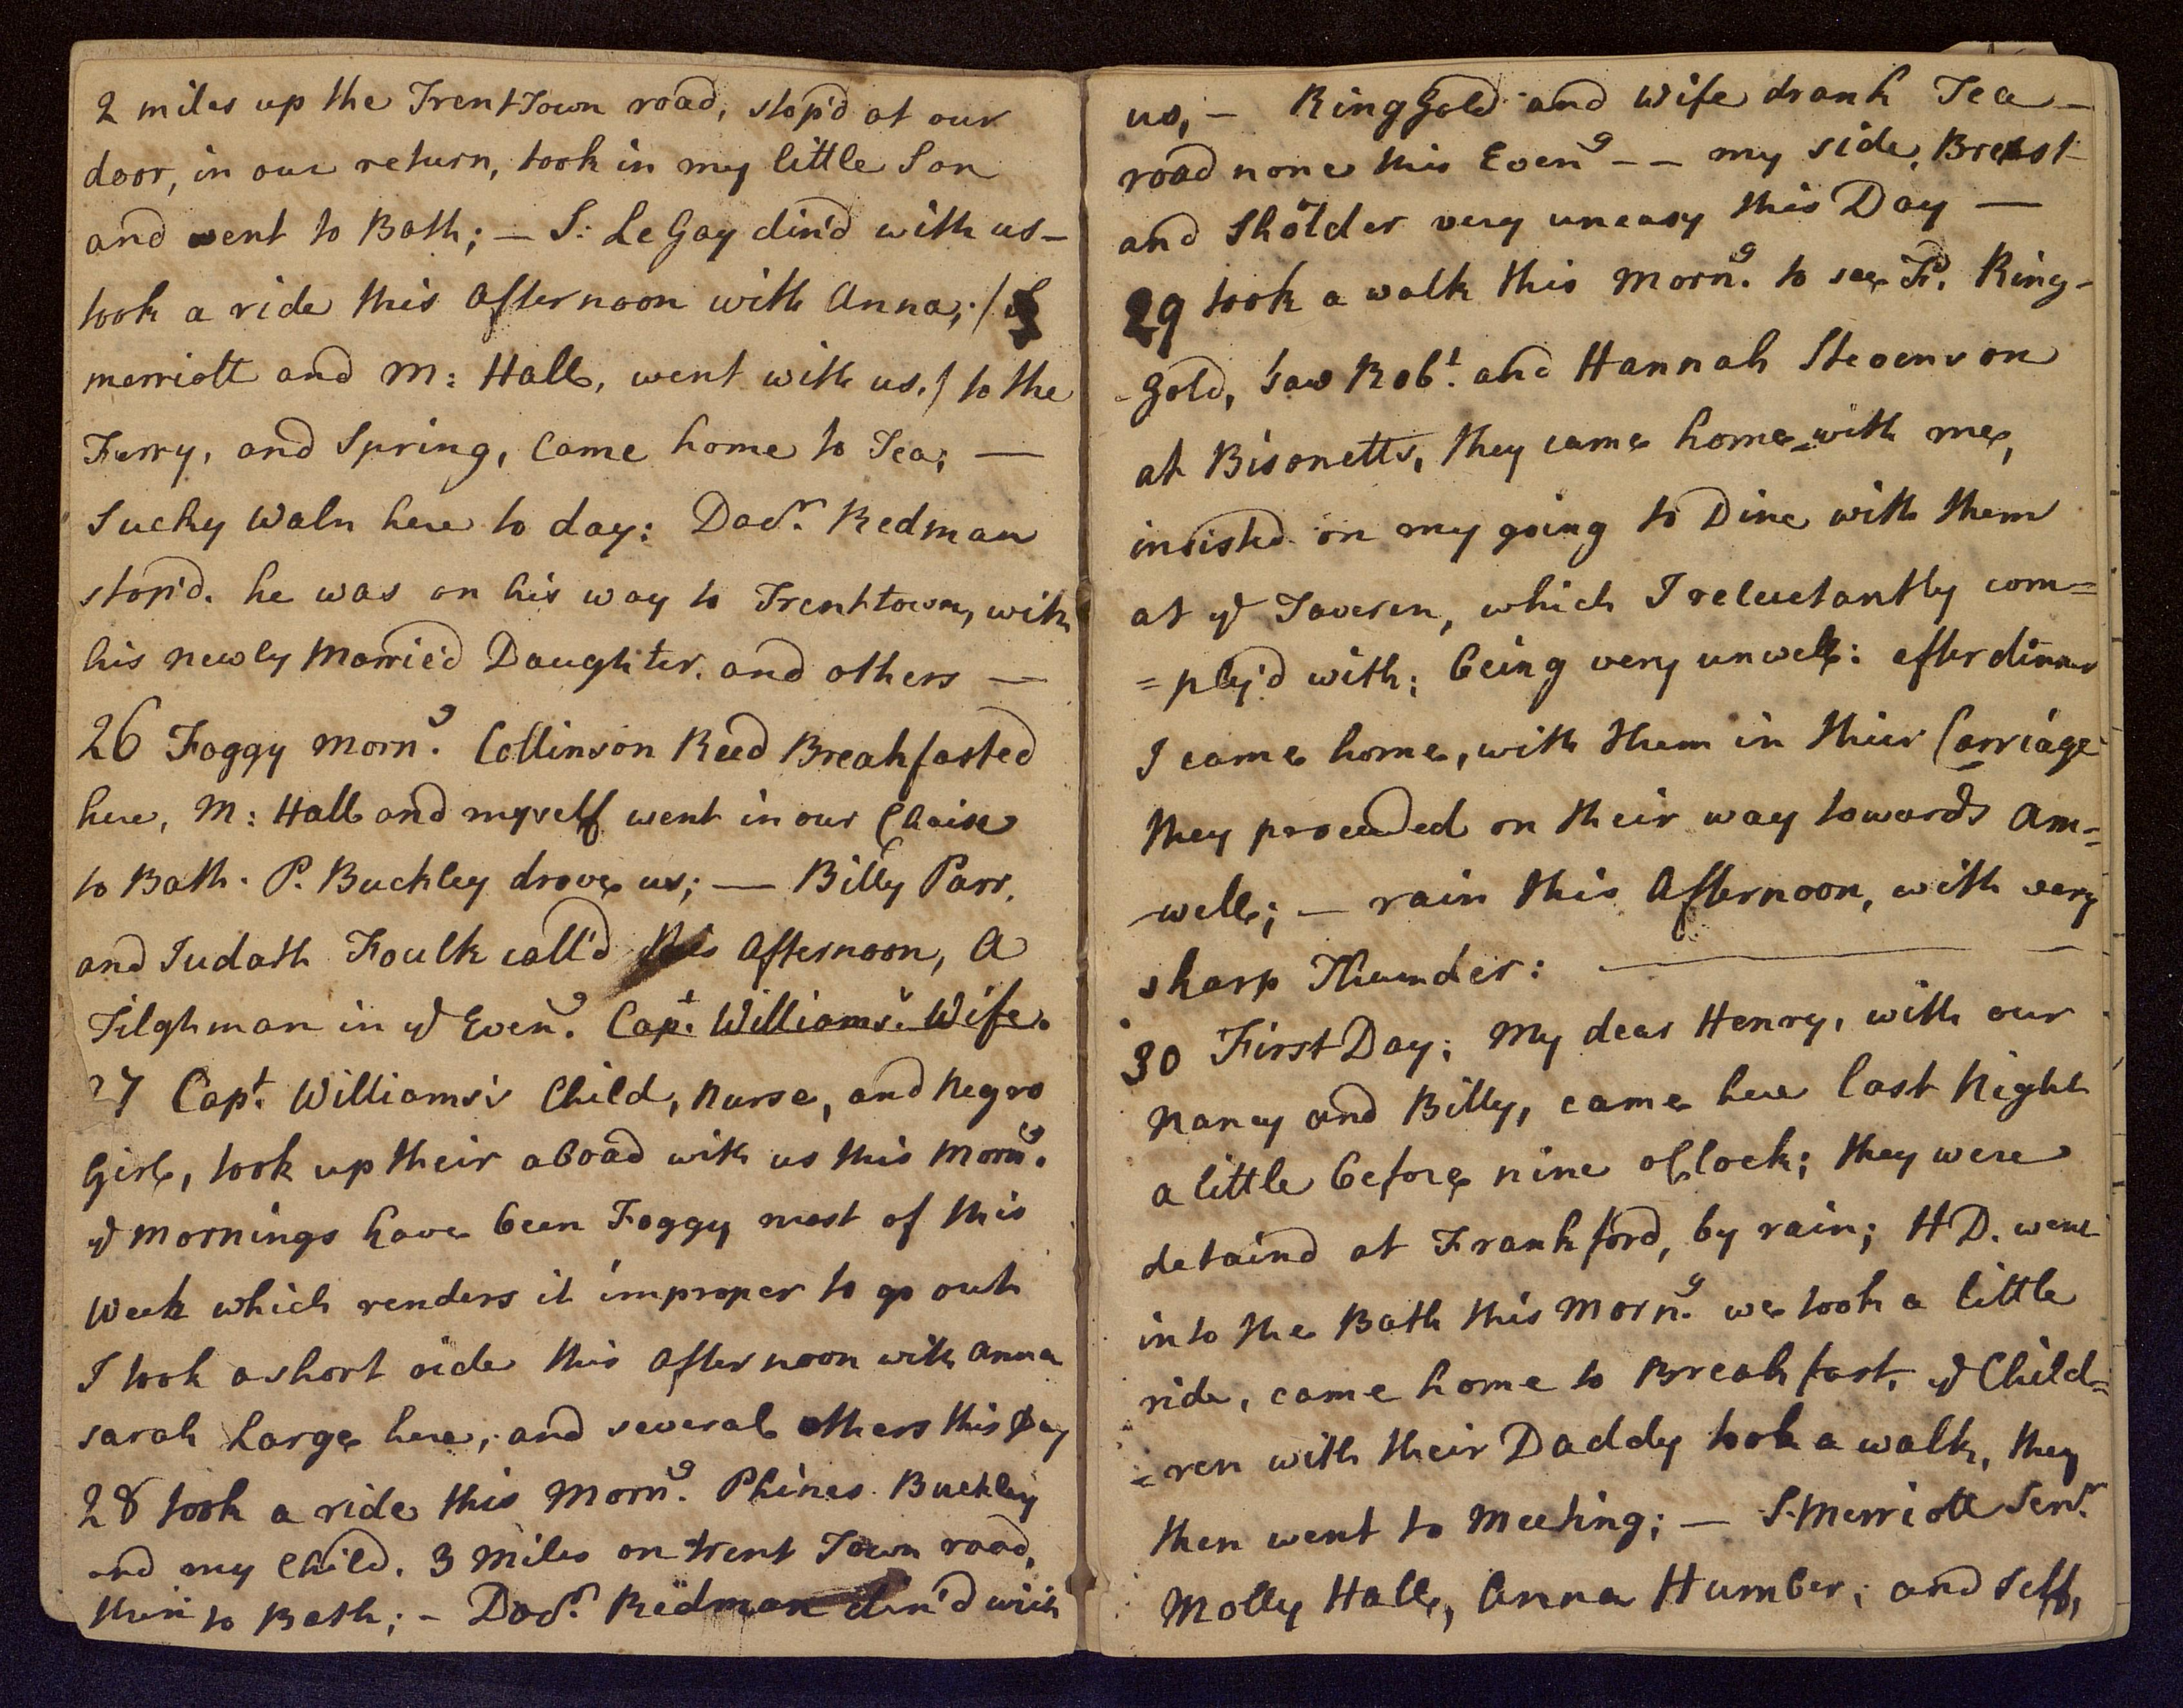2 miles up the Trent Town road, stop'd at our
door, in our return, took in my little Son
and went to Bath;- S: LeGay din'd with us-
took a ride this afternoon with Anna;/ S
merriott and M: Hall, went with us,/ to the
Ferry, and Spring, came home to Tea,-
Sueky Waln here to day; Doc^r. Redman
stop'd. he was on his way to Frenhtown, with
his newly Married Daughter, and others-
26 Foggy morn^g. Collinson Reed Breakfasted
here, M: Hall and myself went in our Chaise
to Bath. P. Buckley drove us;- Billy Parr
and Judath Foulk call'd this afternoon, a
Tilghman in y^e Even^g. Cap^t. Williams Wife.
[2]7 Cap^t. Williams's Child, Nurse, and Negro
Girl, took up their aboad with us this morn^g.
y^e Mornings have been Foggy most of this
week which renders it improper to go out
I took a short ride this afternoon with Anna
Sarah Large here, and several others this Day
28 took a ride this Morn^g. Phines. Buckley
and my child, 3 miles on trent Town road
then to Bath;- Doc^r. Redman din'd with
us,- Ring Gold and wife drank Tea-
road none this Even^g-- my side Breast
and Sho^u lder very uneasy this Day-
29 took a walk this morn^g. to see Fr^d. Ring-
-gold, saw Rob^t. and Hannah Stevenson
at Bisonetts, they came home with me,
insisted on my going to Dine with them
at y^e Tavern, which I reluctantly com-
-ply'd with, being very unwell: after dinner
I came home, with them in their Carriage
they proceeded on their way towards am-
-well;- rain this Afternoon with very
sharp Thunder:
30 First Day; My dear Henry, with our
Nancy and Billy, came here last Night
a little before nine ^o Clock; they were
detaind at Frankford, by rain; HD. went
in to the Bath this morn^g. we took a little
ride, came home to Breakfast, y^e Child-
-ren with their Daddy took a walk, they
then went to meeting;- S. Merriott Sen^r.
Molly Hall, Anna Humber; and self,